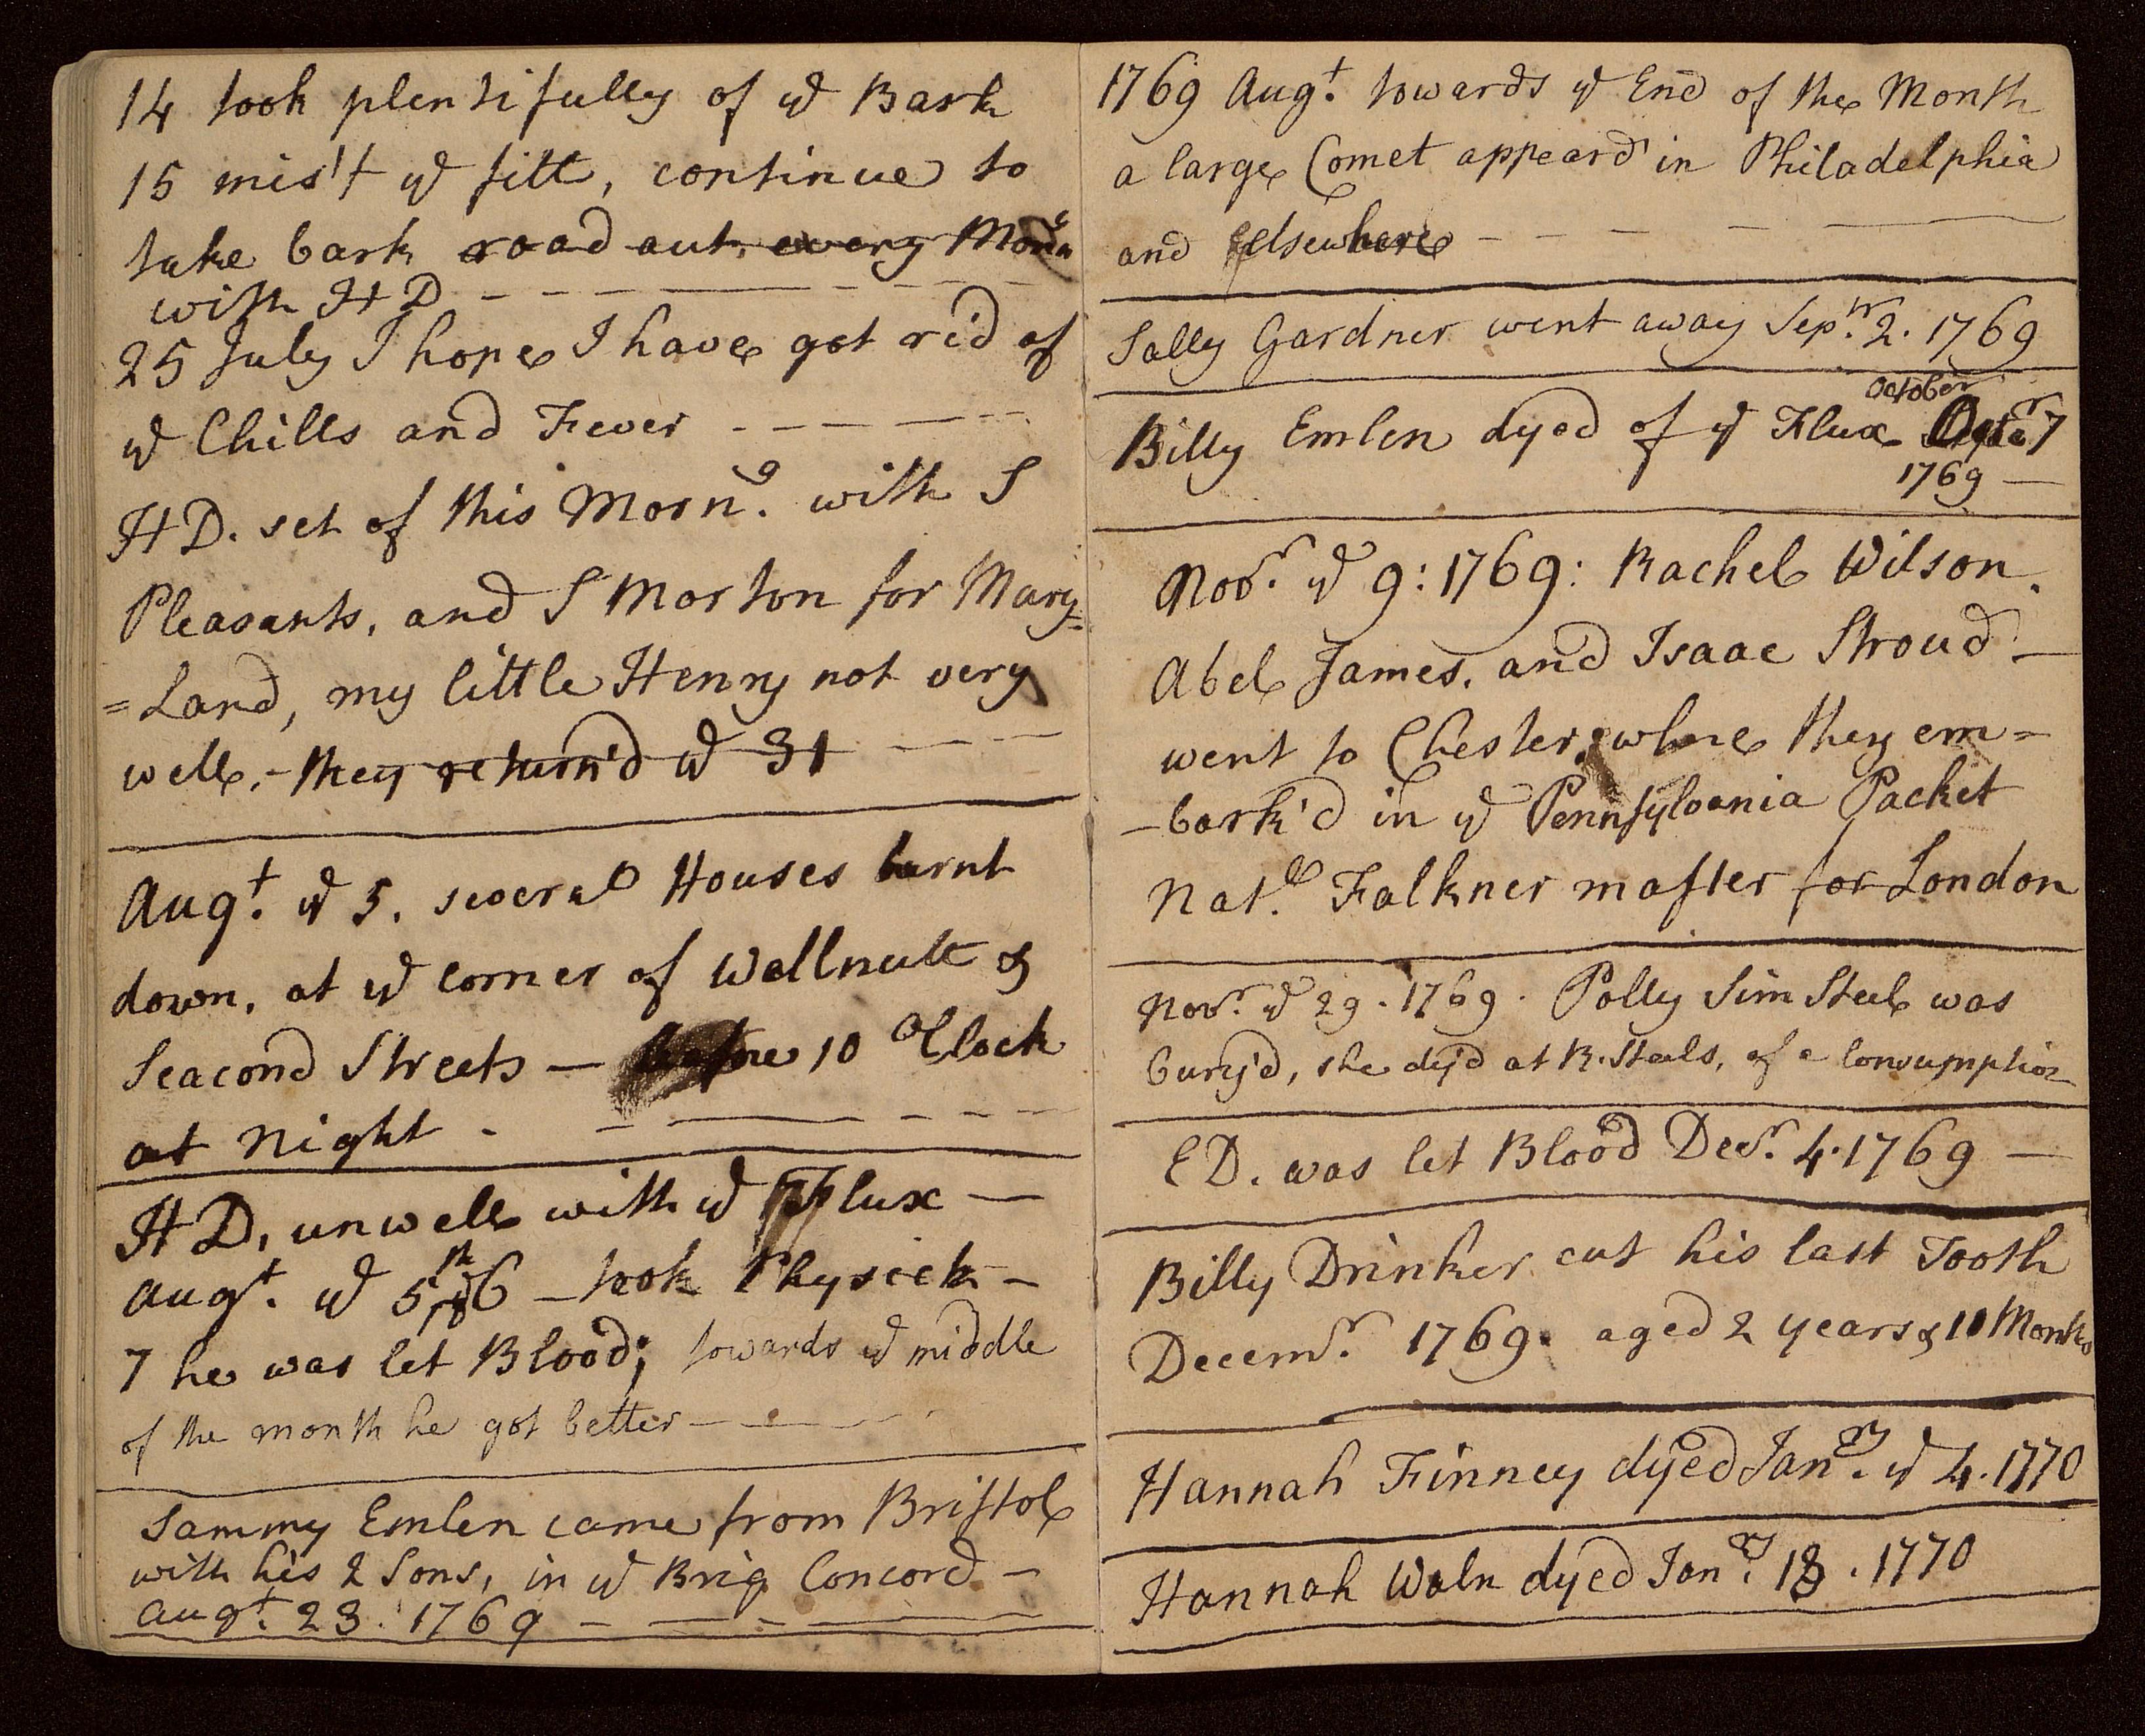14 took plentifully of y^e Bark
15 mis't y^e fitt, continue to
take bark road out every Morn^g
with HD
25 July I hope I have get rid of
y^e Chills and Fever-
H D. set of this Morn^g. with S
Pleasants, and S Morton for Mary-
-Land, my little Henry not very
well,- they return'd y^e 31
Aug^t y^e 5. several Houses burnt
down, at y^e corner of Wallnult &
Seacond Streets- before 10 ^o Clock
at night.
HD. unwell with y^e Flux-
Aug^t y^e 5^th & 6 - took Physick-
7 he was let Blood; towards y^e middle
of the month he got better-
Sammy Emlen came from Bristol
with his 2 Sons, in y^e Brig Concord.-
Aug^t 23. 1769
1769 Aug^t. towards y^e End of the Month
a large Comet appeard in Philadelphia
and Elsewhere
Sally Gardner went away Sep^tr. 2. 1769
October
Billy Emlen dyed of y^e Flux Oct^r 7
1769-
Nov^r y^e 9: 1769: Rachel Wilson.
Abel James, and Isaac Stroud-
went to Chester: where they em-
-bark'd in y^e Pennsylvania Packet
Nat^l Falkner master for London
Nov^r. y^e 29. 1769. Polly Sim Steel was
bury'd, she dy'd at R. Steals, of a Consumption
ED. was let Blood Dec^r 4. 1769-
Billy Drinker cut his last Tooth
Decem^r. 1769. aged 2 years & 11 Months
Hannah Finney dyed Jan^ry. y^e 4. 1770
Hannah Waln dyed Jan^ry. 18. 1770